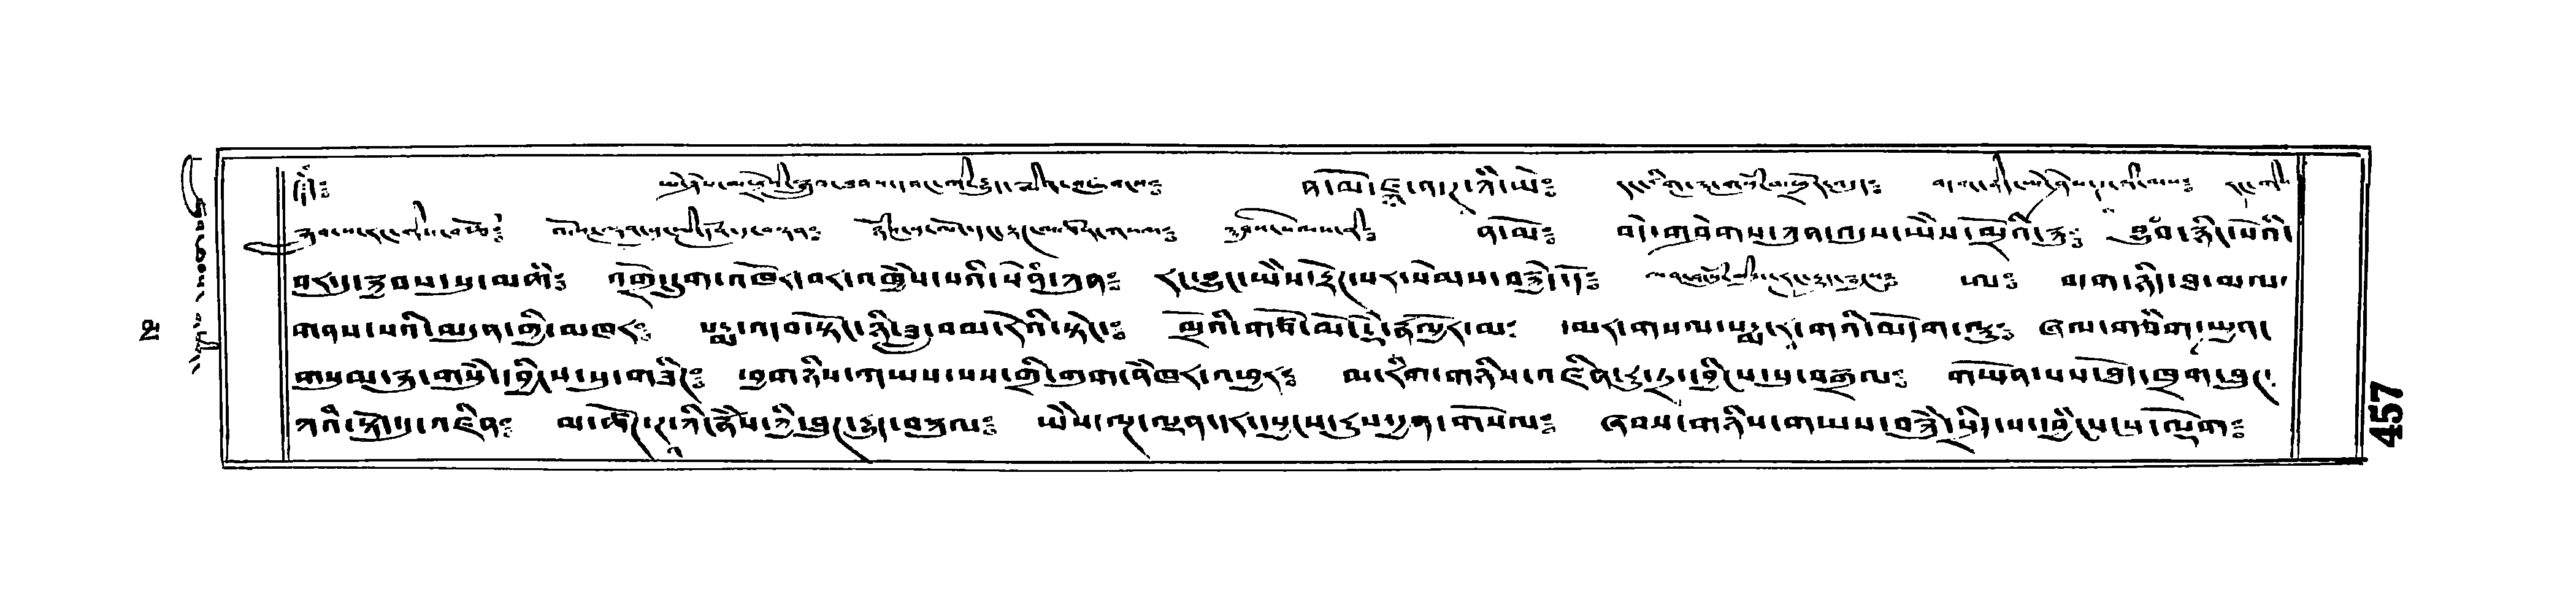ཡེ་ཤེས་མཁའ་འགྲོའི་སྒྲུབ་ཐབས་དབང་གི་རྒྱུད་སྨིན་བཞུགས༔ ན་མོ་ཛྙཱ་ན་ཌཱ་ཀི་ཡེ༔ རང་རིག་སྐུ་གསུམ་མཁའ་འགྲོར་འདུད༔ བདག་ཉིད་ཡེ་ཤེས་ཌཱ་ཀི་མས༔ རང་གི་
སྒྲུབ་པ་རང་གིས་བརྩམས༔ མོས་ལྡན་བུ་ཡི་དོན་དུ་བསྟན༔ ཉམས་སུ་ལོངས་དང་རྟགས་མཚན་གསལ༔ སྐྱབས་སེམས་ནིཿ ན་མོཿ བདེ་གཤེགས་ཀུན་འདུས་ཡེ་ཤེས་མཁའ་འགྲོའི་སྐུ༔ བྱང་ཆུབ་སྙིང་པོའི་
བར་དུ་སྐྱབས་སུ་མཆི༔ འགྲོ་དྲུག་འཁོར་བར་འཁྱམས་པའི་སེམས་ཅན་ཀུན༔ རང་བྱུང་ཡེ་ཤེས་རྟོགས་པར་སེམས་བསྐྱེད་དོ༔ ལན་གསུམ་གྱིས་རང་རྒྱུད་སྦྱངས༔ ཨཱཿ བདག་ཉིད་ཐ་མལ་
གནས་པའི་མདུན་གྱི་མཁར༔ པདྨ་འདབ་སྟོང་ཉི་ཟླ་བམ་རོའི་སྟེང༔ མཁའ་འགྲོའི་གཙོ་མོ་རྡོ་རྗེ་རྣལ་འབྱོར་མ༔ དམར་གསལ་པདྨ་རཱ་གའི་མདོག་ལྟ་བུ༔ ཞལ་གཅིག་སྤྱན་
གསུམ་སྐུ་གསུམ་དབྱིངས་སུ་གཟིགས༔ ཕྱག་གཉིས་གཡས་པས་གྲི་གུག་ནམ་མཁར་འཕྱར༔ མ་རིག་གཉིས་འཛིན་རུ་ཏྲ་དབྱིངས་སུ་བསྒྲལ༔ གཡོན་པས་ཐོད་ཁྲག་ཐུགས་
ཀའི་སྟོད་དུ་འཛིན༔ མ་ཚོགས་ཌཱ་ཀི་རྣམས་ཀྱི་ཐུགས་རྒྱུད་བསྐུལ༔ ཡེ་ཤེས་ལྔ་ལྡན་དར་དཔྱངས་རུས་རྒྱན་གསོལ༔ ཞབས་གཉིས་གཡས་བསྐུམ་སྲིད་པ་དབྱིངས་སུ་ལྡོག༔